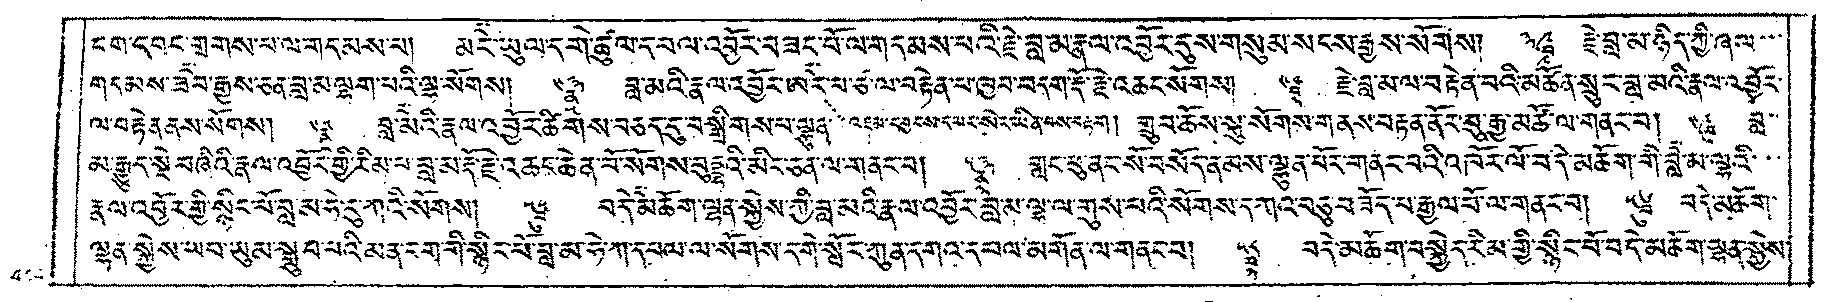ངག་དབང་གྲགས་པ་ལ་གདམས་པ། ར་མང་ཡུལ་དགེ་ཚུལ་དཔལ་འབྱོར་བཟང་པོ་ལ་གདམས་པའི་རྗེ་བླ་མ་རྣལ་འབྱོར་དུས་གསུམ་སངས་རྒྱས་སོགས། ༣༩་བ ༢་རྗེ་བླ་མ་ཉིད་ཀྱི་ཞལ་
གདམས་ར་ཟབ་རྒྱས་ཅན་བླ་མ་ལྷག་པའི་ལྷ་སོགས། ༤༣་ན ༥་བླ་མའི་རྣལ་འབྱོར་ཨ་ར་ར་པ་ཙ་ལ་བརྟེན་པ་ཁྱབ་བདག་རྡོ་རྗེ་འཆང་སོགས། ༤༤་བ ༣་རྗེ་བླ་མ་ལ་བརྟེན་པའི་མཚོན་སྲུང་བླ་མའི་རྣལ་འབྱོར་
ལ་བརྟེན་ནས་སོགས། ༤༥་ན ༥་ར་བླ་མའི་རྣལ་འབྱོར་ཚིགས་བཅད་དུ་བསྒྲིགས་པ་ལྷུན་འཇམ་དབྱངས་དམར་སེར་ཡིན་པས་བརྟག།  གྲུབ་ཆོས་སྐུ་སོགས་གནས་བརྟན་ནོར་བུ་རྒྱ་མཚོ་ལ་གནང་བ། ༤༩་བ ༦་བླ་
མ་རྒྱུད་སྡེ་བཞིའི་རྣལ་འབྱོར་གྱི་རིམ་པ་བླ་མ་རྡོ་རྗེ་འཆང་ཆེན་པོ་སོགས་བུདྡྷའི་མིང་ཅན་ལ་གནང་བ། ༥༣་ན ༣་གླང་ཕུ་ནང་སོ་བསོད་ནམས་ལྷུན་པོར་གནང་བའི་འཁོར་ལོ་བདེ་མཆོག་གི་བླ་མ་ལྷའི་
རྣལ་འབྱོར་གྱི་སྙིང་པོ་བླ་མ་ཧེ་རུ་ཀའི་སོགས། ༥༥་བ ༦་བདེ་ར་མཆོག་ལྷན་སྐྱེས་ཀྱི་བླ་མའི་རྣལ་འབྱོར་བླ་མ་ལྷ་ལ་གུས་པའི་སོགས་དཀའ་བཅུ་བཟོད་པ་རྒྱལ་པོ་ལ་གནང་བ། ༥༦་བ ༦་བདེ་མཆོག་
ལྷན་སྐྱེས་ཡབ་ཡུམ་སྒྲུབ་པའི་མན་ངག་གི་སྙིང་པོ་བླ་མ་ཧེ་ཀ་དཔལ་ལ་སོགས་དགེ་སློང་ཀུན་དགའ་དཔལ་མགོན་ལ་གནང་བ། ༥༨་བ ༢་བདེ་མཆོག་བསྐྱེད་རིམ་གྱི་སྙིང་པོ་བདེ་མཆོག་ལྷན་སྐྱེས་